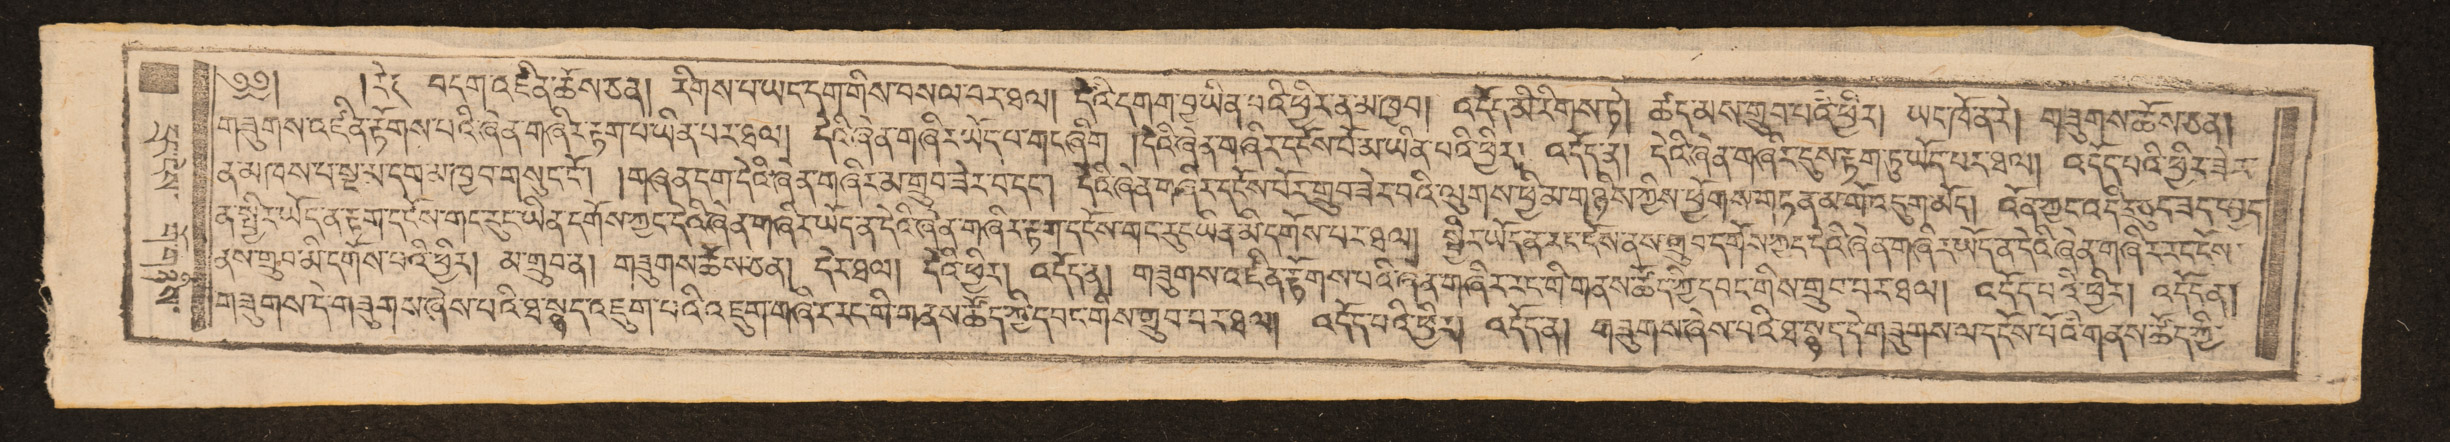༄༅། །རེ༑ བདག་འཛིན་ཆོས་ཅན། རིགས་པ་ཡང་དག་གིས་བསལ་བར་ཐལ། དེའི་དགག་བྱ་ཡིན་པའི་ཕྱིར་ན་མ་ཁྱབ། འདོད་མི་རིགས་ཏེ། ཚད་མས་གྲུབ་པའི་ཕྱིར། ཡང་ཁོ་ན་རེ། གཟུགས་ཆོས་ཅན།
གཟུགས་འཛིན་རྟོགས་པའི་ཞེན་གཞིར་རྟག་པ་ཡིན་པར་ཐལ། དེའི་ཞེན་གཞིར་ཡོད་པ་གང་ཞིག །དེའི་ཞེན་གཞིར་དངོས་པོ་མ་ཡིན་པའི་ཕྱིར། འདོད་ན། དེའི་ཞེན་གཞིར་དུས་རྟག་ཏུ་ཡོད་པར་ཐལ། འདོད་པའི་ཕྱིར་ཟེར་
ན་མཁས་པ་སྔ་མ་དག་མ་ཁྱབ་གསུང་ངོ། །གཞན་དག་དེའི་ཞེན་གཞིར་མ་གྲུབ་ཟེར་བ་དང་། དེའི་ཞེན་གཞིར་དངོས་བོར་གྲུབ་ཟེར་བའི་ལུགས་ཕྱི་མ་གཉིས་ཀྱིས་ཕྱོགས་གཏན་མགོ་འདུག་མོད། འོན་ཀྱང་འདིར་ཅུང་ཟད་དཔྱད་
ན་སྤྱིར་ཡོད་ན་རྟག་དངོས་གང་རུང་ཡིན་དགོས་ཀྱང་དེའི་ཞེན་གཞིར་ཡོད་ན་དེའི་ཞེན་གཞིར་རྟག་དངོས་གང་རུང་ཡིན་མི་དགོས་པར་ཐལ། སྤྱིར་ཡོད་ན་རང་ངོས་ནས་གྲུབ་དགོས་ཀྱང་དེའི་ཞེན་གཞིར་ཡོད་ན་དེའི་ཞེན་གཞིར་རང་ངོས་
ནས་གྲུབ་མི་དགོས་པའི་ཕྱིར། མ་གྲུབ་ན། གཟུགས་ཆོས་ཅན། དེར་ཐལ། དེའི་ཕྱིར། འདོད་ན། གཟུགས་འཛིན་རྟོགས་པའི་ཞེན་གཞིར་རང་གི་གནས་ཚོད་ཀྱི་དབང་གིས་གྲུབ་པར་ཐལ། འདོད་པའི་ཕྱིར། འདོད་ན།
གཟུགས་དེ་གཟུགས་ཞེས་པའི་ཐ་སྙད་འཇུག་པའི་འཇུག་གཞིར་རང་གི་གནས་ཚོད་ཀྱི་དབང་གིས་གྲུབ་པར་ཐལ། འདོད་པའི་ཕྱིར། འདོད་ན། གཟུགས་ཞེས་པའི་ཐ་སྙད་དེ་གཟུགས་ལ་དངོས་པོའི་གནས་ཚོད་ཀྱི་